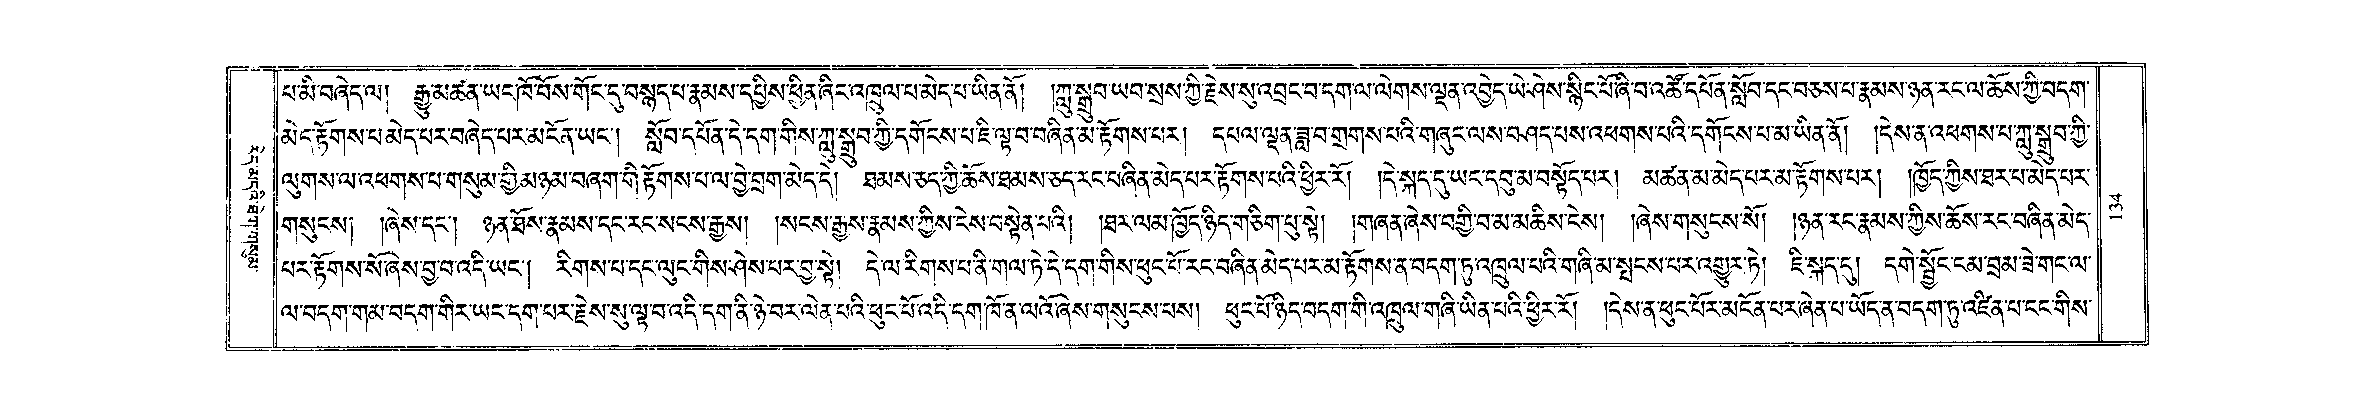པ་མི་བཞེད་ལ། རྒྱུ་མཚན་ཡང་ཁོ་བོས་གོང་དུ་བསྙད་པ་རྣམས་དཔྱིས་ཕྱིན་ཞིང་འཁྲུལ་པ་མེད་པ་ཡིན་ནོ། །ཀླུ་སྒྲུབ་ཡབ་སྲས་ཀྱི་རྗེས་སུ་འབྲང་བ་དག་ལ་ལེགས་ལྡན་འབྱེད་ཡེ་ཤེས་སྙིང་པོ་ཞི་བ་འཚོ་དཔོན་སློབ་དང་བཅས་པ་རྣམས་ཉན་རང་ལ་ཆོས་ཀྱི་བདག་
མེད་རྟོགས་པ་མེད་པར་བཞེད་པར་མངོན་ཡང་། སློབ་དཔོན་དེ་དག་གིས་ཀླུ་སྒྲུབ་ཀྱི་དགོངས་པ་ཇི་ལྟ་བ་བཞིན་མ་རྟོགས་པར། དཔལ་ལྡན་ཟླ་བ་གྲགས་པའི་གཞུང་ལས་བཤད་པས་འཕགས་པའི་དགོངས་པ་མ་ཡིན་ནོ། །དེས་ན་འཕགས་པ་ཀླུ་སྒྲུབ་ཀྱི་
ལུགས་ལ་འཕགས་པ་གསུམ་གྱི་མཉམ་བཞག་གི་རྟོགས་པ་ལ་བྱེ་བྲག་མེད་དེ། ཐམས་ཅད་ཀྱི་ཆོས་ཐམས་ཅད་རང་བཞིན་མེད་པར་རྟོགས་པའི་ཕྱིར་རོ། །དེ་སྐད་དུ་ཡང་དབུ་མ་བསྟོད་པར། མཚན་མ་མེད་པར་མ་རྟོགས་པར། །ཁྱོད་ཀྱིས་ཐར་པ་མེད་པར་
གསུངས། །ཞེས་དང་། ཉན་ཐོས་རྣམས་དང་རང་སངས་རྒྱས། །སངས་རྒྱས་རྣམས་ཀྱིས་ངེས་བསྟེན་པའི། །ཐར་ལམ་ཁྱོད་ཉིད་གཅིག་པུ་སྟེ། །གཞན་ཞེས་བགྱི་བ་མ་མཆིས་ངེས། །ཞེས་གསུངས་སོ། །ཉན་རང་རྣམས་ཀྱིས་ཆོས་རང་བཞིན་མེད་
པར་རྟོགས་སོ་ཞེས་བྱ་བ་འདི་ཡང་། རིགས་པ་དང་ལུང་གིས་ཤེས་པར་བྱ་སྟེ། དེ་ལ་རིགས་པ་ནི་གལ་ཏེ་དེ་དག་གིས་ཕུང་པོ་རང་བཞིན་མེད་པར་མ་རྟོགས་ན་བདག་ཏུ་འཁྲུལ་པའི་གཞི་མ་སྤངས་པར་འགྱུར་ཏེ། ཇི་སྐད་དུ། དགེ་སྦྱོང་ངམ་བྲམ་ཟེ་གང་ལ་
ལ་བདག་གམ་བདག་གིར་ཡང་དག་པར་རྗེས་སུ་ལྟ་བ་འདི་དག་ནི་ཉེ་བར་ལེན་པའི་ཕུང་པོ་འདི་དག་ཁོ་ན་ལའོ་ཞེས་གསུངས་པས། ཕུང་པོ་ཉིད་བདག་གི་འཁྲུལ་གཞི་ཡིན་པའི་ཕྱིར་རོ། །དེས་ན་ཕུང་པོར་མངོན་པར་ཞེན་པ་ཡོད་ན་བདག་ཏུ་འཛིན་པ་ངང་གིས་